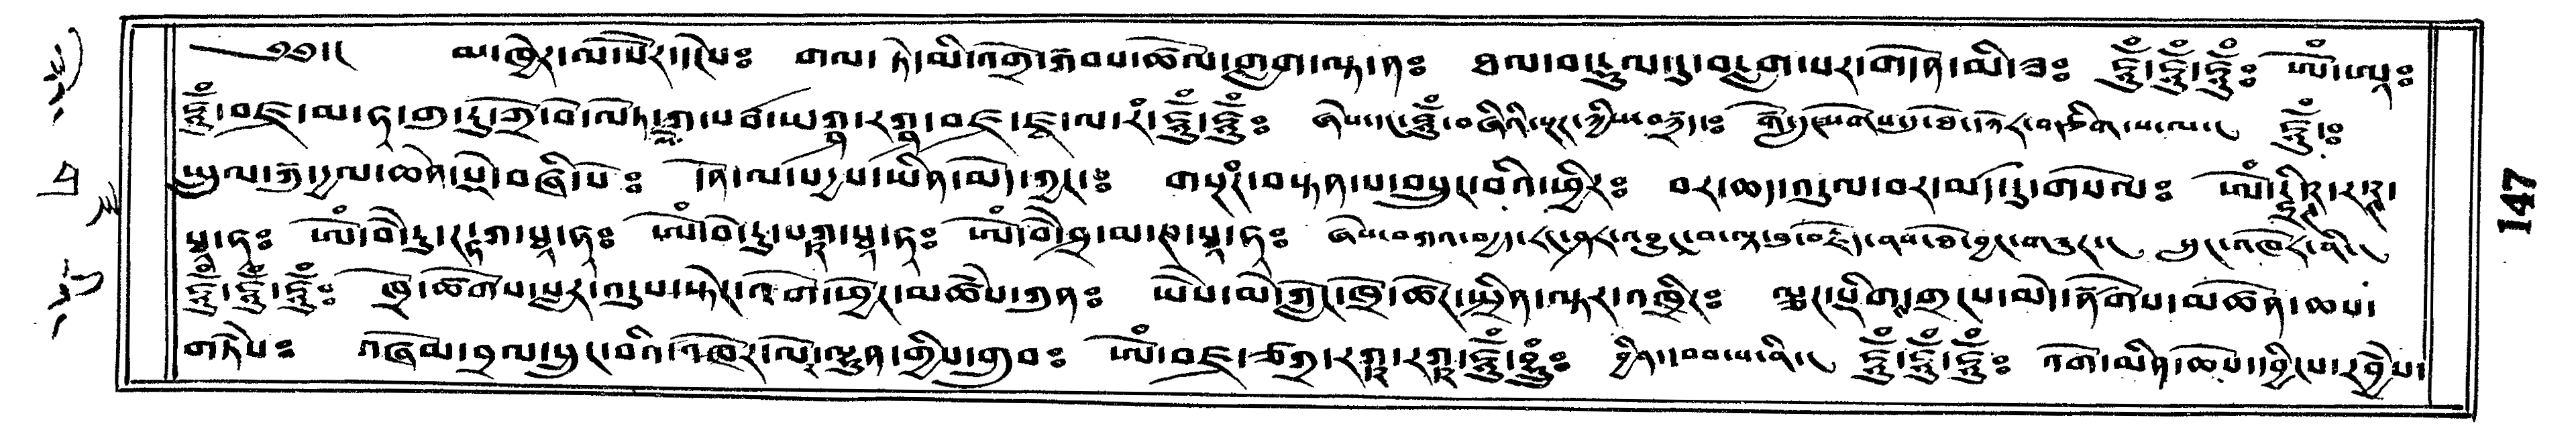མ་ཁྱེར་ལ་སོ་སོར་དེངས༔ གལ་ཏེ་མི་འགྲོ་སྐབས་འཚོལ་གླག་ལྟ་ན༔ ཐལ་བའི་རྡུལ་དུ་བརླག་པར་གདོན་མི་ཟ༔ ཧཱུྃ་ཧཱུྃ་ཧཱུྃ༔ ཨོཾ་ཨཱཿ
ཧཱུ་ྃབཛྲ་མ་ཧཱ་གུ་རུ་གྲོ་བོ་ལོད་ལོ་ཀ་སརྦ་ཡཀྴ་རཀྴ་བཛྲ་ཛྭ་ལ་རཾ་ཧཱུྃ་ཧཱུྃ༔ ཞེས་དང་ཧཱུྃ་བཞིའི་སྔགས་ཀྱིས་བསྐྲད། སྒོ་དྲུང་སོགས་སུ་ཐོ་དཀོར་པོ་གཅིག་ལ། ཧཱུྃ༔ 
སྤྲུལ་སྐུ་རྒྱལ་ཆེན་སྡེ་བཞི་པོ༔ དོན་ལ་སངས་རྒྱས་ཡིན་མོད་ཀྱང༔ གསང་སྔགས་བསྟན་པ་སྲུང་བའི་ཕྱིར༔ བར་ཆད་འདུལ་བར་མཛད་དུ་གསོལ༔ ཨོཾ་དྷྲིཥྚ་རཀྵ་
སྭ་ཧ༔ ཨོཾ་བཻ་རུ་དྷཀ་སྭ་ཧཱ༔ ཨོཾ་བེ་རུ་པཀྵ་སྭ་ཧཱ༔ ཨོཾ་བཻ་ཤྲ་མ་ར་སྭ་ཧཱ༔ ཞེས་བཀའ་བརྒྱད་རང་ཤར་དུ་འབྱུང་བ་ལྟ་བུ་བརྗོད་ནས་ཐོ་བྱང་གཟུར། སྲུང་འཁོར་ནི། 
ཧཱུྃ་ཧཱུྃ་ཧཱུ༔ ཁྲོ་ཚོགས་སླར་འདུས་སྟེང་འོག་ཕྱོགས་མཚམས་ཀུན༔ ཡེ་ཤེས་མེ་ཀློང་ཁྲོ་ཚོགས་སྤྲིན་ལྟར་འཁྲིགས༔ ལྕགས་སྡིག་གྲངས་མེད་སྣ་ཚོགས་མཚོན་ཆས་
གཏམས༔ གཞོམ་བྲལ་སྲུང་བའི་འཁོར་ལོར་ལྷུན་གྱིས་གྲུབ༔ ཨོཾ་བཛྲ་ཙཀྲ་རཀྵ་རཀྵ་ཧཱུྃ་བྷྲུཾ༔ བྱིན་དབབ་པ་ནི། ཧཱུྃ་ཧཱུྃ་ཧཱུྃ༔ འོག་མིན་ཆོས་དབྱིངས་རབ་འབྱམས་